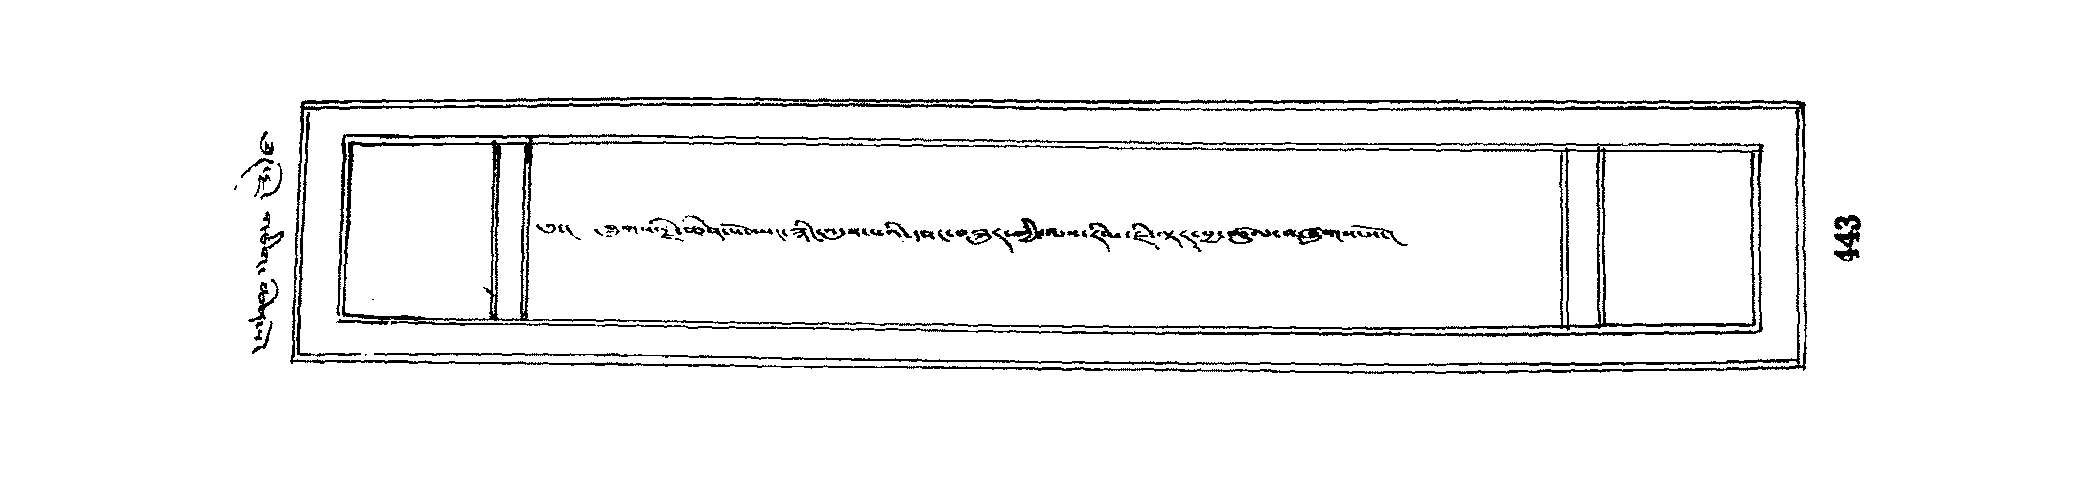༄༅། ཐུགས་རྗེ་ཆེན་པོ་ཡང་སྙིང་འདུས་པའི་དབང་བསྐུར་གྱི་ལས་རིམ་ཇི་ལྟར་བྱ་ཚུལ་བཞུགས་སོ།